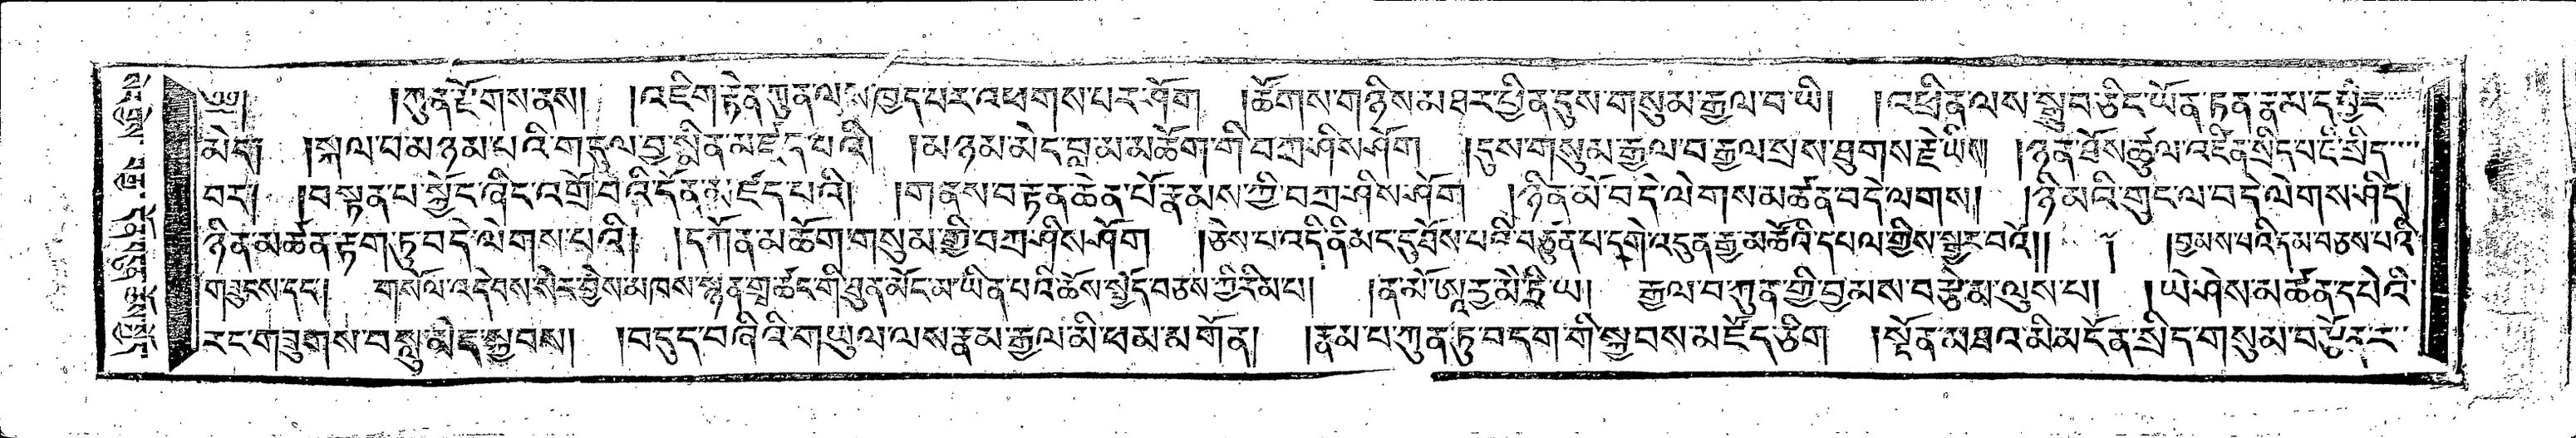༄༅། །ཀུན་རྫོགས་ནས། །འཇིག་རྟེན་ཀུན་ལས་ཁྱད་པར་འཕགས་པར་ཤོག །ཚོགས་གཉིས་མཐར་ཕྱིན་དུས་གསུམ་རྒྱལ་བ་ཡི། །འཕྲིན་ལས་སྒྲུབ་ཅིང་ཡོན་ཏན་རྣམ་དབྱེར་
མེད། །སྐལ་བ་མཉམ་པའི་གདུལ་བྱ་སྨིན་མཛད་པའི། །མཉམ་མེད་བླ་མ་མཆོག་གི་བཀྲ་ཤིས་ཤོག །དུས་གསུམ་རྒྱལ་བ་རྒྱལ་སྲས་ཐུགས་རྗེ་ཡིས། །ཉན་ཐོས་ཚུལ་འཛིན་སྲིད་པ་ཇི་སྲིད་
བར། །བསྟན་པ་སྐྱོང་ཞིང་འགྲོ་བའི་དོན་མཛད་པའི། །གནས་བརྟན་ཆེན་པོ་རྣམས་ཀྱི་བཀྲ་ཤིས་ཤོག །ཉིན་མོ་བདེ་ལེགས་མཚན་བདེ་ལགས། །ཉི་མའི་གུང་ལ་བདེ་ལེགས་ཤིང་།
ཉིན་མཚན་རྟག་ཏུ་བདེ་ལེགས་པའི། །དཀོན་མཆོག་གསུམ་གྱི་བཀྲ་ཤིས་ཤོག །ཅེས་པ་འདི་ནི་མང་དུ་ཐོས་པའི་བཙུན་པ་དགེ་འདུན་རྒྱ་མཚོའི་དཔལ་གྱིས་སྦྱར་བའོ།། ༈ །བྱམས་པའི་དམ་བཅས་པའི་
གཟུངས་དང་། གསོལ་འདེབས་སེར་བྱེས་མཁས་སྙན་གྲྭ་ཚང་གི་ཐུན་མོང་མ་ཡིན་པའི་ཆོས་སྤྱོད་བཅས་ཀྱི་རིམ་པ། །ན་མོ་ཨཱརྱ་མཻ་ཏྲི་ཡ། རྒྱལ་བ་ཀུན་གྱི་བྱམས་བརྩེ་མ་ལུས་པ། །ཡེ་ཤེས་མཚན་དཔེའི་
རང་གཟུགས་བསླུ་མེད་སྐྱབས། །བདུད་བཞིའི་གཡུལ་ལས་རྣམ་རྒྱལ་མི་ཕམ་མགོན། །རྣམ་པ་ཀུན་ཏུ་བདག་གི་སྐྱབས་མཛོད་ཅིག །སྔོན་མཐའ་མི་མངོན་སྲིད་གསུམ་བརྩོན་ར་